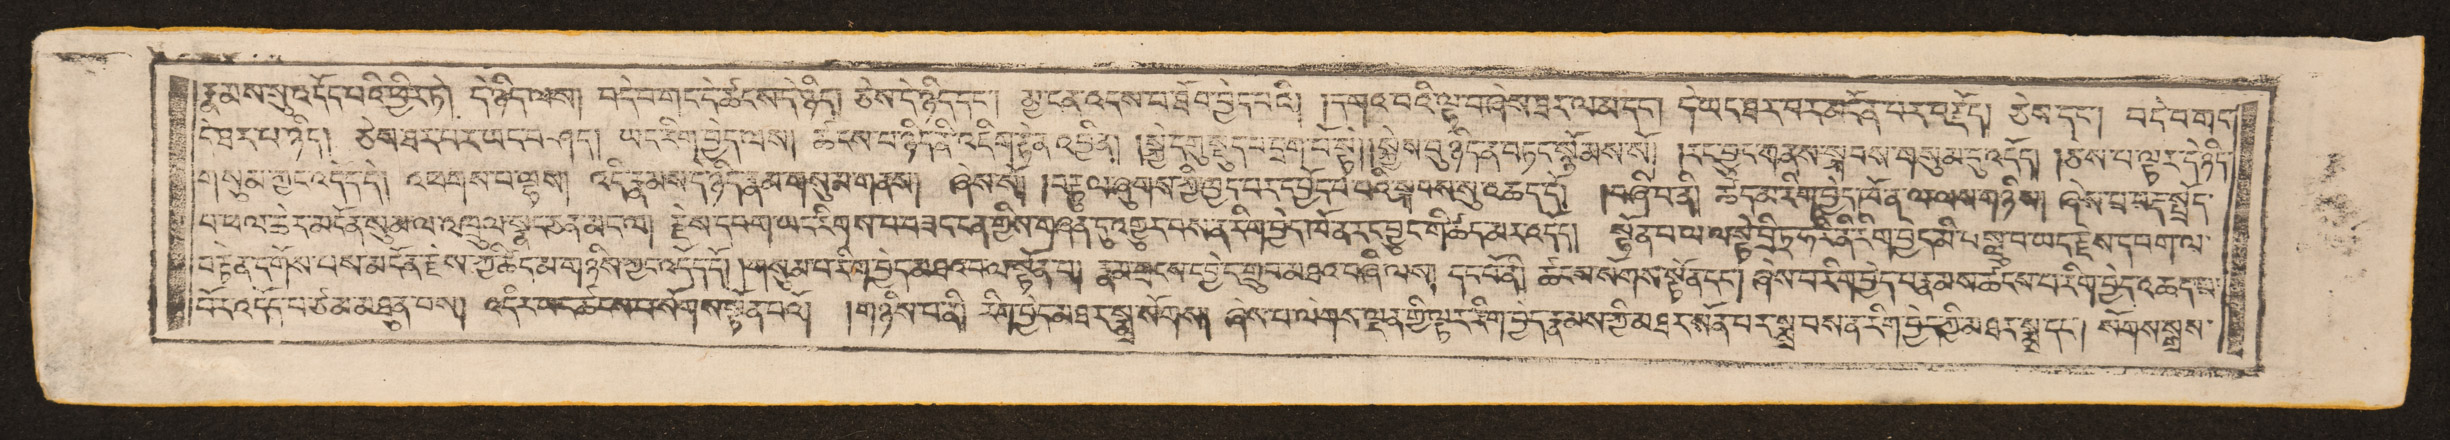རྣམས་སུ་འདོད་པའི་ཕྱིར་ཏེ། དེ་ཉིད་ལས། བདེ་བ་གང་དེ་ཚངས་དེ་ཉིད། ཅེས་དེ་ཉིད་དང་། མྱ་ངན་འདས་པ་ཐོབ་བྱེད་པའི། །དགའ་བའི་ལྟ་བ་ཞེས་ཐར་ལམ་དང་། དེ་ཡང་ཐར་པར་མངོན་པར་བརྗོད། ཅེས་དང་། བདེ་བ་གང་
དེ་ཐར་པ་ཉིད། ཅེས་ཐར་པར་ཡང་བཤད། ཡང་རིག་བྱེད་ལས། ཚངས་པ་ཉིད་ནི་འཇིག་རྟེན་འབྱིན། །སྐྱེ་དགུ་སྡུད་པ་དྲག་པོ་སྟེ། །སྐྱེས་བུ་ཉིད་ན་བཏང་སྙོམས་སོ། །རང་བྱུང་གནས་སྐབས་གསུམ་དུ་འདོད། །ཅེས་པ་ལྟར་དེ་ཉིད་
གསུམ་ཀྱང་འདོད་དེ། འཕགས་པ་ལྷས། འདི་རྣམས་དེ་ཉིད་རྣམ་གསུམ་གནས། ཞེས་སོ། །བརྟུལ་ཞུགས་ཀྱི་ཁྱད་པར་དཔྱོད་པ་བའི་སྐབས་སུ་འཆད་དོ། །བཞི་པ་ནི། ཚད་མ་རིག་བྱེད་ཁོ་ན་ལ་ལས་གཉིས། ཞེས་པ་བརྡ་སྤྲོད་
བ་ཕལ་ཆེར་མངོན་སུམ་ལ་འཁྲུལ་སྣང་ཅན་མང་ལ། རྗེས་དཔག་ཡང་རིགས་པ་བཟང་ངན་གྱིས་གཞན་དུ་འགྱུར་བས་ན་རིག་བྱེད་ཁོ་ན་རང་བྱུང་གི་ཚད་མར་འདོད། སྟོན་པ་ལ་ལ་སྟེ་བྲི་ཏྲ་ཧ་རི་ནི་རིག་བྱེད་མི་བསླུ་བ་ཡང་རྗེས་དཔག་ལ་
བརྟེན་དགོས་པས་མངོན་རྗེས་ཀྱི་ཚད་མ་གཉིས་ཀྱང་འདོད་དོ། །གསུམ་པ་རིག་བྱེད་མཐའ་བ་ལ་སྟོན་པ། རྣམ་གྲངས་དབྱེད་གྲུབ་མཐའ་བཞི་ལས། དང་པོ་ནི། ཚངས་སོགས་སྟོན་དང་། ཞེས་པ་རིག་བྱེད་པ་རྣམས་ཚངས་པ་རིག་བྱེད་འཆད་པ་
པོར་འདོད་པ་ཙམ་མཐུན་པས། འདིར་ཡང་ཚངས་པ་སོགས་སྟོན་པའོ། །གཉིས་པ་ནི། རིག་བྱེད་མཐསར་སྨྲ་སོགས། ཞེས་པ་ལེགས་ལྡན་གྱི་ལྟར་རིག་བྱེད་རྣམས་ཀྱི་མཐར་སོན་པར་སྨྲ་བས་ན་རིག་བྱེད་ཀྱི་མཐར་སྨྲ་དང་། སོགས་སྨྲས་